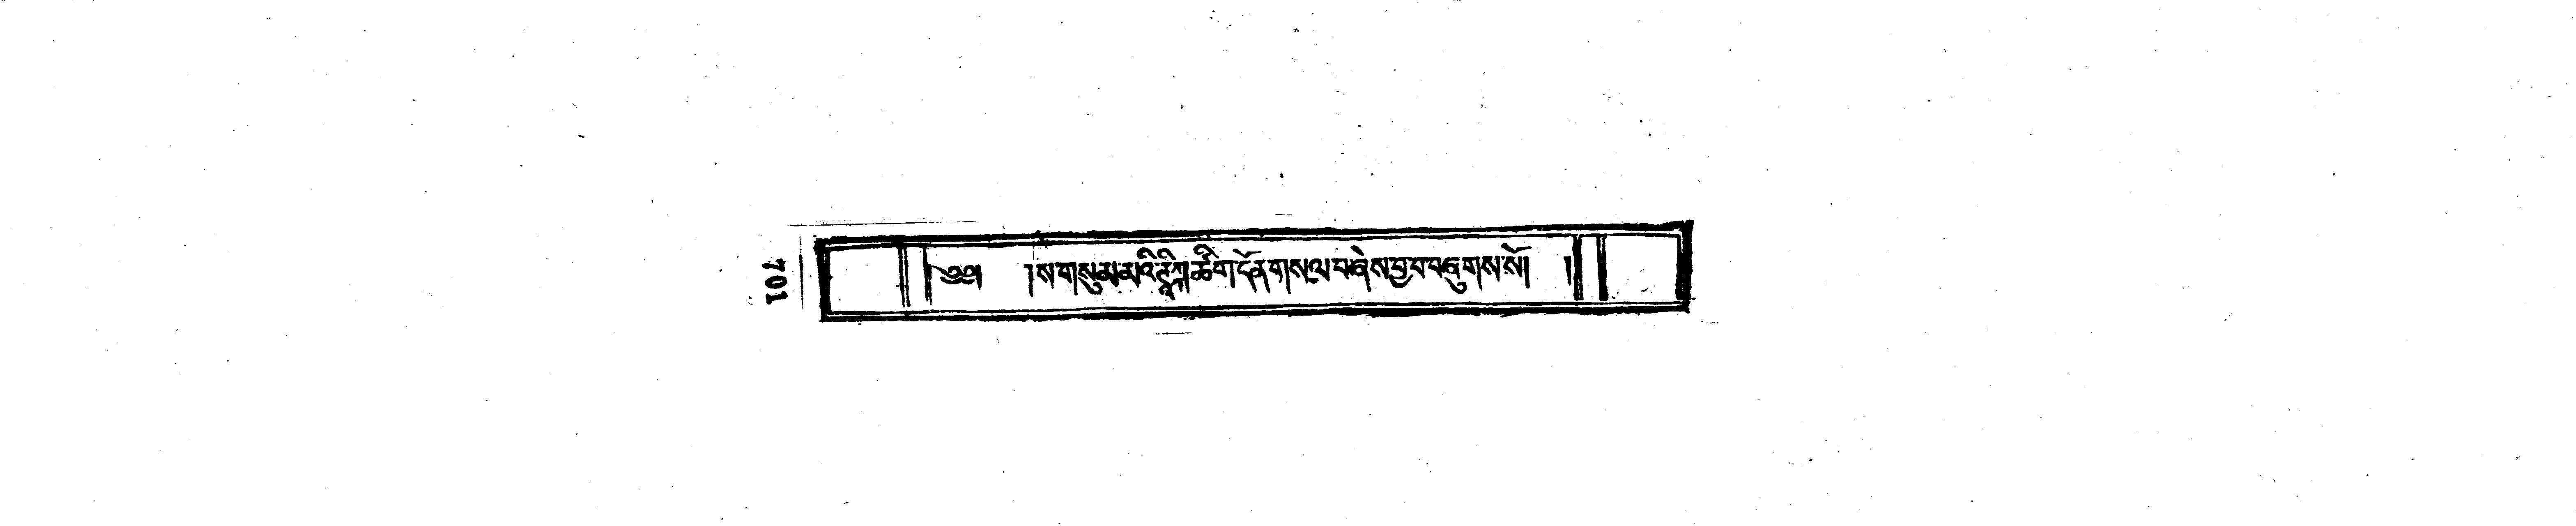༄༅། །ས་གསུམ་མའི་ཊཱིཀྐ་ཚིག་དོན་གསལ་བ་ཞེས་བྱ་བ་བཞུགས་སོ། །